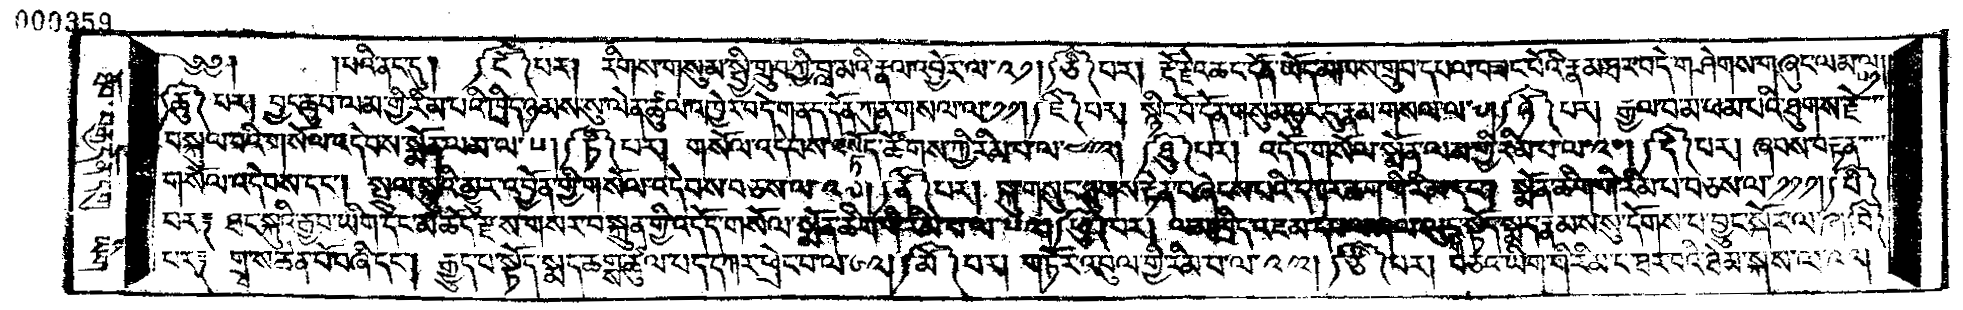༄༅། །པའི་ནང་དུ། ༼ངོ༽ པར། རིགས་གསུམ་སྤྱི་གྲུབ་ཀྱི་བླ་མའི་རྣལ་འབྱོར་ལ ༢༡། ༼ཅི༽ པར། རྡོ་རྗེ་འཆང་དོན་ཡོད་མཁས་གྲུབ་དཔལ་བཟང་པོའི་རྣམ་ཐར་བདེ་གཤེགས་གཞུང་ལམ་ལ༥༡།
༼ཆུ༽ པར། བྱང་ཆུབ་ལམ་གྱི་རིམ་པའི་ཁྲིད་ཉམས་སུ་ལེན་ཚུལ་འཁྱེར་བདེ་གནད་དོན་ཀུན་གསལ་ལ ༡༡། ༼ཇེ༽ པར། སྙིང་པོ་དོན་གསུམ་ཉུང་དུ་རྣམ་གསལ་ལ ༧། ༼ཉོ༽ པར། རྒྱལ་བ་མ་ཕམ་པའི་ཐུགས་རྗེ་
བསྐུལ་བའི་གསོལ་འདེབས་སྨོན་ལམ་ལ ༥། ༼ཏི༽ པར། གསོལ་འདེབས་བསྟོད་ཚོགས་ཀྱི་རིམ་པ་ལ ༤༣། ༼ཐུ༽ པར། འདོད་གསོལ་སྨོན་ལམ་གྱི་རིམ་པ་ལ ༢༠། ༼དེ༽ པར། ཞབས་བརྟན་
གསོལ་འདེབས་དང་། སྤྲུལ་སྐུའི་མྱུར་འབྱོན་གྱི་གསོལ་འདེབས་བཅས་ལ ༢༧། ༼ནོ༽ པར། སྐུ་གསུང་ཐུགས་རྟེན་བཞེངས་པའི་དཀར་ཆག་གི་རིམ་དང་། སྨོན་ཚིག་གི་རིམ་པ་བཅས་ལ ༡༡༡། ༼པི༽
པར༑ ཐང་སྐུའི་རྒྱབ་ཡིག་དང་མཆོད་རྫས་གསར་བསྐྲུན་གྱི་འདོད་གསོལ་སྨོན་ཚིག་གི་རིམ་པ་ལ ༥༢། ༼ཕུ༽ པར། ལམ་ཁྲིད་འཇམ་དཔལ་ཞལ་ལུང་གི་སྟོད་སྨད་རྣམས་སུ་དོགས་པ་བྱུང་སྐོར་ལ ༩། ༼བེ༽
པར༑ གྲྭ་ས་ཆེན་པོ་བཞི་དང་། རྒྱུད་པ་སྟོད་སྨད་ཆགས་ཚུལ་པད་དཀར་ཕྲེང་བ་ལ ༦༢། ༼མོ༽ པར། གཏོར་འབུལ་གྱི་རིམ་པ་ལ ༡༣། ༼ཙི༽ པར། བཅའ་ཡིག་གི་རིམ་པ་ཐར་བའི་ཐེམ་སྐས་ལ ༢༢།